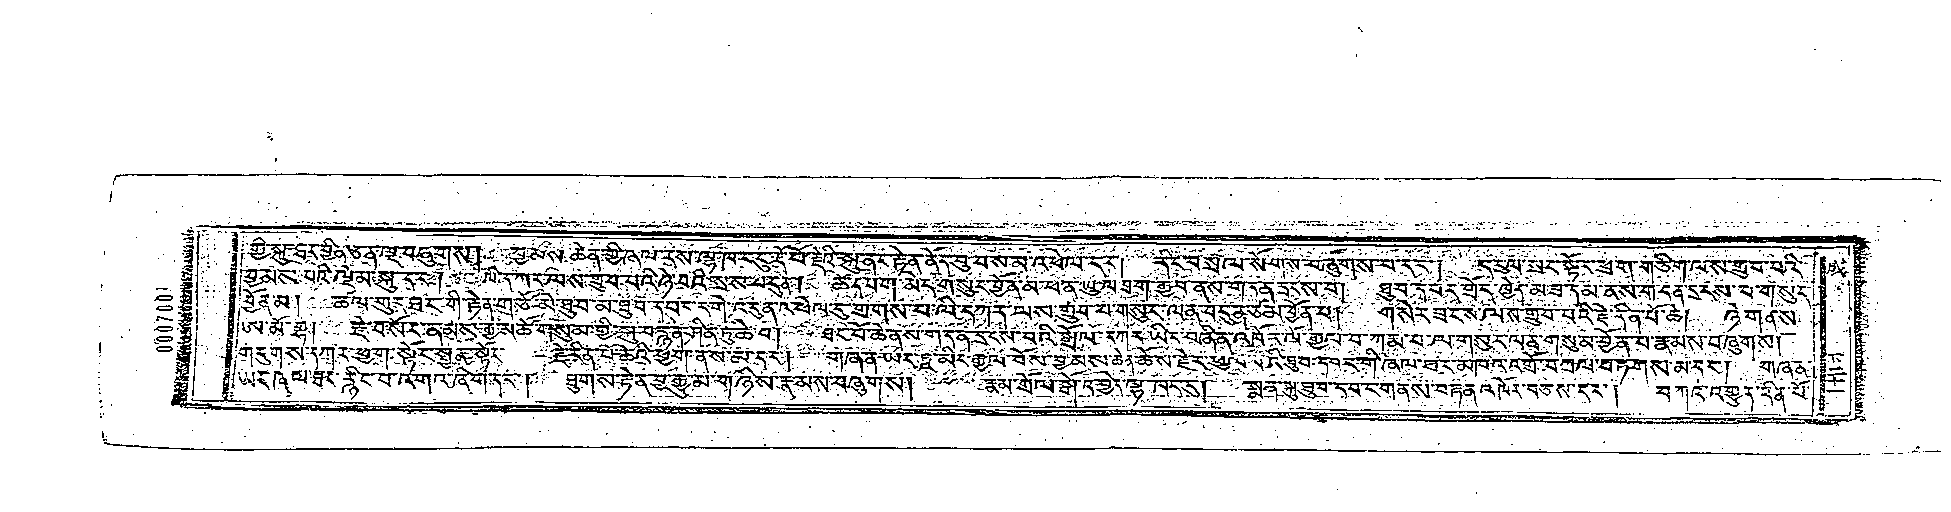གྱི་སྐུ་ཐང་བྱིན་ཅན་ལྔ་བཞུགས། བྱམས་ཆེན་གྱི་ཞལ་རས་ལྷ་ཁང་དུ་ཇོ་བོ་རྗེའི་སྐུ་ནང་རྟེན་ནོར་བུ་བསམ་འཕེལ་དང་། རིང་བསྲེལ་སོགས་བཞུགས་པ་དང་། དངུལ་སྲང་སྟོང་ཕྲག་གཅིག་ལས་གྲུབ་པའི་
བྱམས་པའི་ལྡེམ་སྐུ་དང་། ལི་དཀར་ལས་གྲུབ་པའི་ཉེ་བའི་སྲས་བདུན། ཚེ་དཔག་མེད་གསུང་བྱོན་མ་ཕན་ཡུལ་བྲག་རྒྱབ་ནས་གདན་དྲངས་པ། ཐུབ་དབང་གྲོད་ཁྱེར་མ་ཟ་དམ་ནས་གདན་དྲངས་པ་གསུང་
བྱོན་མ། ཚལ་གུད་ཐང་གི་རྟེན་གཙོ་མེ་ཐུབ་མ་ཐུབ་དབང་དགེ་འདུན་འཕེལ་དུ་གྲགས་པ་ལི་དཀར་ལས་གྲུབ་པ་གསུང་ལན་བདུན་ཙམ་བྱོན་པ། གསེར་ཟངས་ལས་གྲུབ་པའི་རྗེ་རིན་པོ་ཆེ། ཉེ་གནས་
ཨ་མོ་གྷ། རྗེ་བསོད་ནམས་རྒྱ་མཚོ་གསུམ་གྱི་སྐུ་བརྙན་ཤིན་ཏུ་ཆེ་བ། ཐང་པོ་ཆེ་ནས་གདན་དྲངས་པའི་སྒྲོལ་དཀར་ཡིད་བཞིན་འཁོར་ལོ་རྒྱལ་བ་ཀརྨ་པ་ལ་གསུང་ལན་གསུམ་བྱོན་པ་རྣམས་བཞུགས།
གདུགས་དཀར་ཕྱག་སྟོང་སྤྱན་སྟོང་རྗེ་རིན་པོ་ཆེའི་ཕྱག་ནས་མ་དང་། གཞན་ཡང་ཏཱ་མིང་རྒྱལ་བོས་བྱམས་ཆེན་ཆོས་རྗེར་ཕུལ་བའི་ཐུབ་དབང་གི་ཞལ་ཐང་མཁའ་འགྲོ་བཀྲལ་བཏགས་མ་དང་། གཞན་
ཡང་ཞལ་ཐང་རྙིང་བ་འགའ་ཞིག་དང་། ཐུགས་རྟེན་བྱ་རྒྱུ་མ་གཉིས་རྣམས་བཞུགས། ༧་རྣམ་གྲོལ་སྒོ་འབྱེད་ལྷ་ཁང་དུ། སྨན་སྐུ་ཐུབ་དབང་གནས་བརྟན་འཁོར་བཅས་དང་། བཀའ་འགྱུར་རིན་པོ་